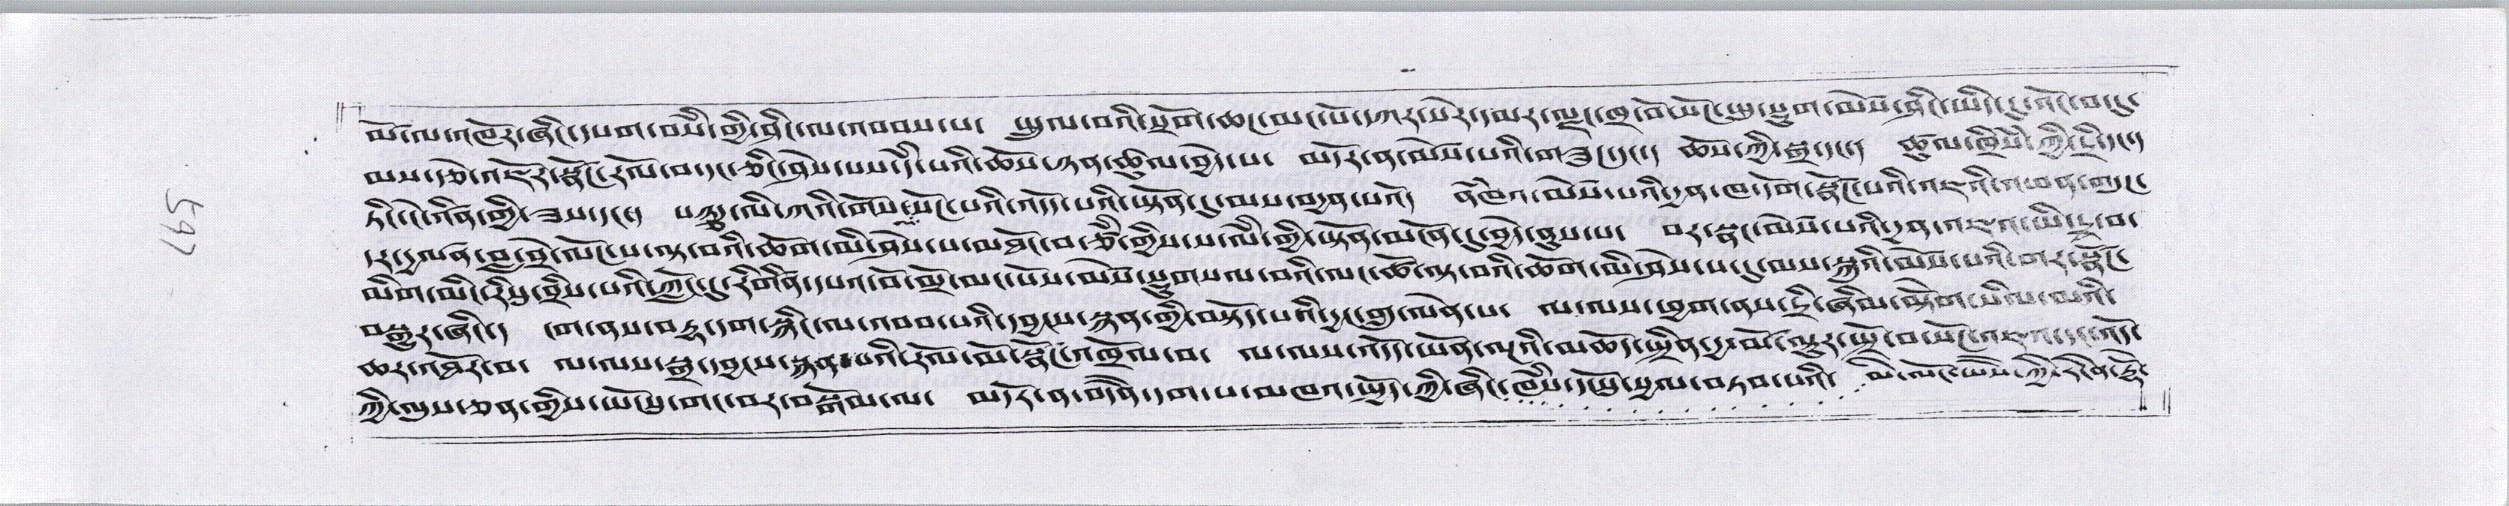མཚོ་ལ་འཁོར་ཞིང་དཔག་བསམ་གྱི་ཤིང་ལ་འབབས་པ། སྤྲུལ་པའི་སྲོག་ཆགས་མང་པོ་དཀར་སེར་དམར་ལྗང་ཁྲ་བོ་སོགས་སྤུ་སྡུག་མཛེས་ཤིང་ཡིད་དུ་འོང་བ་དུ་
མས་རྕེད་འཇོ་སྣ་ཚོགས་རོལ་པ་དང་ཅང་ཤེས་པས་དམ་པའི་ཆོས་ཉན་ཚུལ་བྱེད་པ། མདོར་ན་མཛེས་པའི་གཟུགས་དང་། ཆོས་ཀྱི་སྒྲ་དང་། ཚུལ་ཁྲིམས་ཀྱི་དྲི་དང་། 
ཏིང་ངེ་འཛིན་གྱི་ཟས་དང་། པཉྩ་ལི་ཀའི་གོས་ལ་སོགས་པའི་འདོད་པའི་ཡོན་ཏན་དུ་མས་བརྒྱན་པའོ། །ནམ་མཁའ་མཛེས་པའི་རྒྱན་ཁ་དོག་སྣ་ཚོགས་པའི་འཇའ་ཡི་འཕན་གདུགས་
དར་རྒྱལ་མཚན་བླ་བྲེ་ལ་སོགས་པ་ལྟ་བས་ཆོག་མི་ཤེས་པ་མཐོང་བ་ཙམ་གྱིས་ས་ལམ་གྱི་ཡོན་ཏན་མངོན་དུ་བྱེད་ནུས་པ། བར་སྣང་མཛེས་པའི་རྒྱན་འཇའ་ཡི་དྲྭ་བ་
མིག་མངས་རིས་སུ་བྲིས་པའི་ཀློང་དུ་རིག་འཛིན་དཔའ་བོ་མཁའ་འགྲོ་མང་པོས་མཛེས་སྡུག་གསལ་བའི་ལང་ཚོ་ལྟ་བས་ཆོག་མི་ཤེས་པ་དུ་མས་སྐུ་ཡི་མཛེས་པའི་གར་སྣ་ཚོགས་
བསྒྱུར་ཞིང་། ངག་ནས་བརྡ་དག་སྙིང་ལ་འབབ་པའི་དབྱངས་སྙན་གྱི་བསྟོད་པའི་རྒྱང་གླུ་ལེན་པ། ལ་ལས་ཕྱག་ན་དྲི་ཞིམ་མེ་ཏོག་སིལ་མའི་
ཆར་འཐོར་བ། ལ་ལས་སྒྲ་དབྱངས་སྙན་པའི་རོལ་མོ་སྣ་ཚོགས་འཁྲོལ་བ། ལ་ལས་འདོད་ཡོན་ལྔ་ཡི་མཆོད་སྤྲིན་རྒྱ་མཚོ་ལྟ་བུར་སྤྲོ་བ་སོགས་འཇའ་དང་འོད་
ཀྱི་ལུས་ཅན་གྱིས་ཡོངས་སུ་གང་བར་བསྒོམ་ལ། མདོར་ན་བདེ་ཆེན་དག་པ་མཁའ་སྤྱོད་ཀྱི་ཞིང་ཁམས་དངོས་སུ་གསལ་བཏབ་པའི་༼མེ་ལོང་ཡེ་ཤེས་ཀྱི་རང་བཞིན་རྡོ་རྗེ་